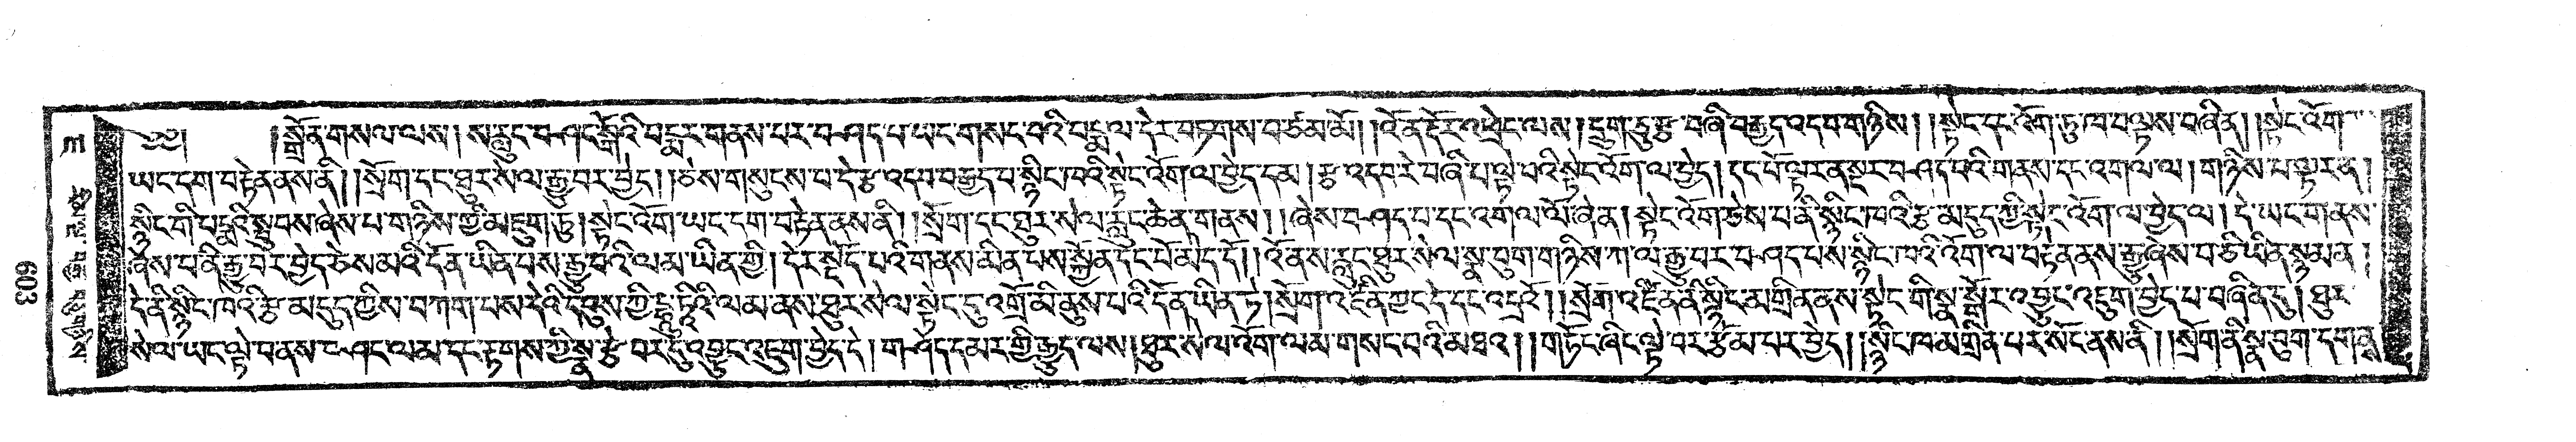༄༅། །སྒྲོན་གསལ་ལས། ས་རླུང་བཤང་སྒོའི་པདམར་གནས་པར་བཤད་པ་ཡང་གསང་བའི་པདམ་ལ་དེར་བཏགས་པ་ཙམ་མོ། །འོ་ན་རྡོར་འཕྲེང་ལས། དྲུག་ཅུ་རྩ་བཞི་བརྒྱད་འདབ་གཉིས། །སྟེང་དང་འོག་ཏུ་ཁ་བལྟས་བཞིན། །སྟེང་འོག་
ཡང་དག་བརྟེན་ནས་ནི། །སྲོག་དང་ཐུར་སེལ་རྒྱུ་བར་བྱེད། །ཅེས་གསུངས་པ་དེ་རྩ་འདབ་བརྒྱད་པ་སྙིང་ཁའི་སྟེང་འོག་ལ་བྱེད་དམ། རྩ་འདབ་རེ་བཞི་པ་ལྟེ་བའི་སྟེང་འོག་ལ་བྱེད། དང་པོ་ལྟར་ན་སྔར་བཤད་པའི་གནས་དང་འགལ་ལ། གཉིས་པ་ལྟར་ན།
སྙིང་གི་པདམའི་སྦུབས་ཞེས་པ་གཉིས་ཀྱི་མཇུག་ཏུ། སྟེང་འོག་ཡང་དག་བརྟེན་ནས་ནི། །སྲོག་དང་ཐུར་སེལ་རླུང་ཆེན་གནས། །ཞེས་བཤད་པ་དང་འགལ་ལོ་ཞེ་ན། སྟེང་འོག་ཅེས་པ་ནི་སྙིང་ཁའི་རྩ་མདུད་ཀྱི་སྟེང་འོག་ལ་བྱེད་ལ། དེ་ཡང་གནས་
ཞེས་པ་ནི་རྒྱུ་བར་བྱེད་ཅེས་པའི་དོན་ཡིན་པས་རྒྱུ་བའི་ལམ་ཡིན་གྱི། དེར་སྡོད་པའི་གནས་མིན་པས་སྐྱོན་དང་པོ་མེད་དོ། །འོ་ན་ས་རླུང་ཐུར་སེལ་སྣ་བུག་གཉིས་ཀ་ལ་རྒྱུ་བར་བཤད་པས་སྙིང་ཁའི་འོག་ལ་བརྟེན་ནས་རྒྱུ་ཞེས་པ་ཅི་ཡིན་སྙམ་ན།
དེ་ནི་སྙིང་ཁའི་རྩ་མདུད་ཀྱིས་བཀག་པས་དེའི་དབུས་ཀྱི་དྷཱུ་ཏཱིའི་ལམ་ནས་ཐུར་སེལ་སྟེང་དུ་འགྲོ་མི་ནུས་པའི་དོན་ཡིན་ཏེ། སྲོག་འཛིན་ཀྱང་དེ་དང་འདྲའོ། །སྲོག་འཛིན་ནི་སྙིང་མགྲིན་ནས་སྟེང་གི་སྣ་སྒོར་འབྱུང་འཇུག་བྱེད་པ་བཞིན་དུ། ཐུར་
སེལ་ཡང་ལྟེ་བ་ནས་བཤང་ལམ་དང་རྟགས་ཀྱི་སྣ་རྩེ་བར་དུ་འབྱུང་འཇུག་བྱེད་དེ། གཤེད་དམར་གྱི་རྒྱུད་ལས། ཐུར་སེལ་འོག་ལམ་གསང་བའི་མཐའ། །གཏོང་ཞིང་ལྟེ་བར་རྩོམ་པར་བྱེད། །སྙིང་ཁ་མགྲིན་པར་སོང་ནས་ནི། །སྲོག་ནི་སྣ་བུག་དག་ནས་